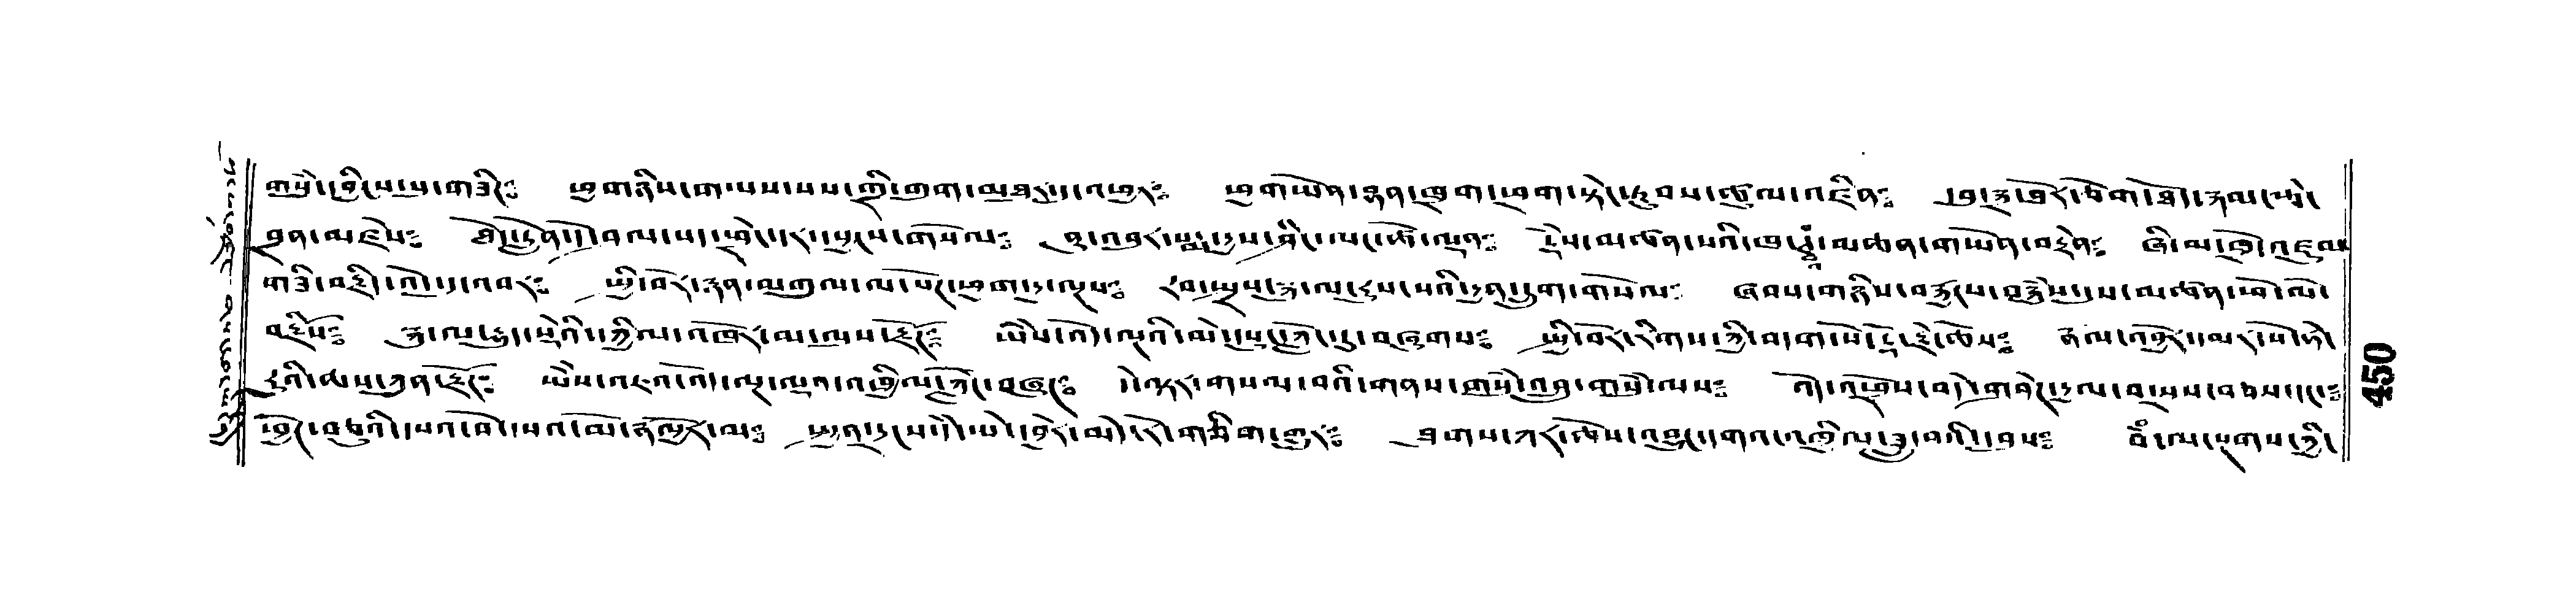གསུམ་དབྱིངས་སུ་གཟིགས༔ ཕྱག་གཉིས་གཡས་པས་གྲི་གུག་མཐུར་དུ་འཕྱར༔ ཕྱག་གཡོན་བྷན་ཁྲག་ཕྲག་སྟེང་རྔུབས་ཚུལ་འཛིན༔ དབུ་སྐྲ་ཐོར་ཅོག་ཐོད་སྐམ་རྩེ་
བྲན་མཛེས༔ ཐོད་རློན་དོ་ཤལ་པད་ཕྲེང་དར་དཔྱངས་གསོལ༔ ནུ་འབུར་པདྨ་རྒྱས་ཤིང་ལང་ཚོ་ལྡན༔ རྡོ་རྗེས་མཚན་པའི་ཁ་ཊྭཱཾ་མཆན་གཡོན་བརྟེན༔ ཞི་མ་ཁྲོ་འཛུམ་
གཟི་བརྗིད་འོད་དུ་འབར༔ སྤྱི་བོར་སྙན་མགུལ་ལ་སོགས་ཕྱག་རྒྱ་ལྔས༔ རབ་སྤྲས་སྐུ་ལ་རུས་པའི་རྒྱན་དྲུག་གསོལ༔ ཞབས་གཉིས་བརྐྱང་བསྐུམས་དུས་མཚན་ཕོ་མོ་
བརྫིས༔ སྐུ་ལ་རྒྱུད་སྡེའི་དཀྱིལ་འཁོར་མ་ལུས་རྫོགས༔ ཡེ་ཤེས་འོད་ལྔའི་མེ་དཔུང་ཀློང་དུ་བཞུགས༔ སྤྱི་བོར་རིགས་ཀྱི་བདག་པོ་རྡོ་རྗེ་ཆོས༔ རྣལ་འབྱོར་དམར་པོ་ཧེ་
རུའི་ཆས་ཀུན་རྫོགས༔ཡེ་ཤེས་འཇའ་འོད་ལྔ་ལྡན་འཁྱིལ་ཀློང་བཞུགས༔ དེ་ལྟར་གསལ་བའི་གནས་གསུམ་འབྲུ་གསུམ་ལས༔ འོད་འཕྲོས་བདེ་གཤེགས་རྒྱལ་བ་སྲས་བཅས་དང༔ 
ཕྱོགས་བཅུའི་དཔའ་བོ་དཔའ་མོ་རྣལ་འབྱོར་མ༔ སྤྱན་དྲངས་དམ་ཡེ་དབྱེར་མེད་རོ་གཅིག་གྱུར༔ ཐུགས་ཀར་ཆོས་འབྱུང་དགའ་འཁྱིལ་ཟླ་བའི་དབུས༔ བྃ་ལ་སྔགས་ཀྱི་